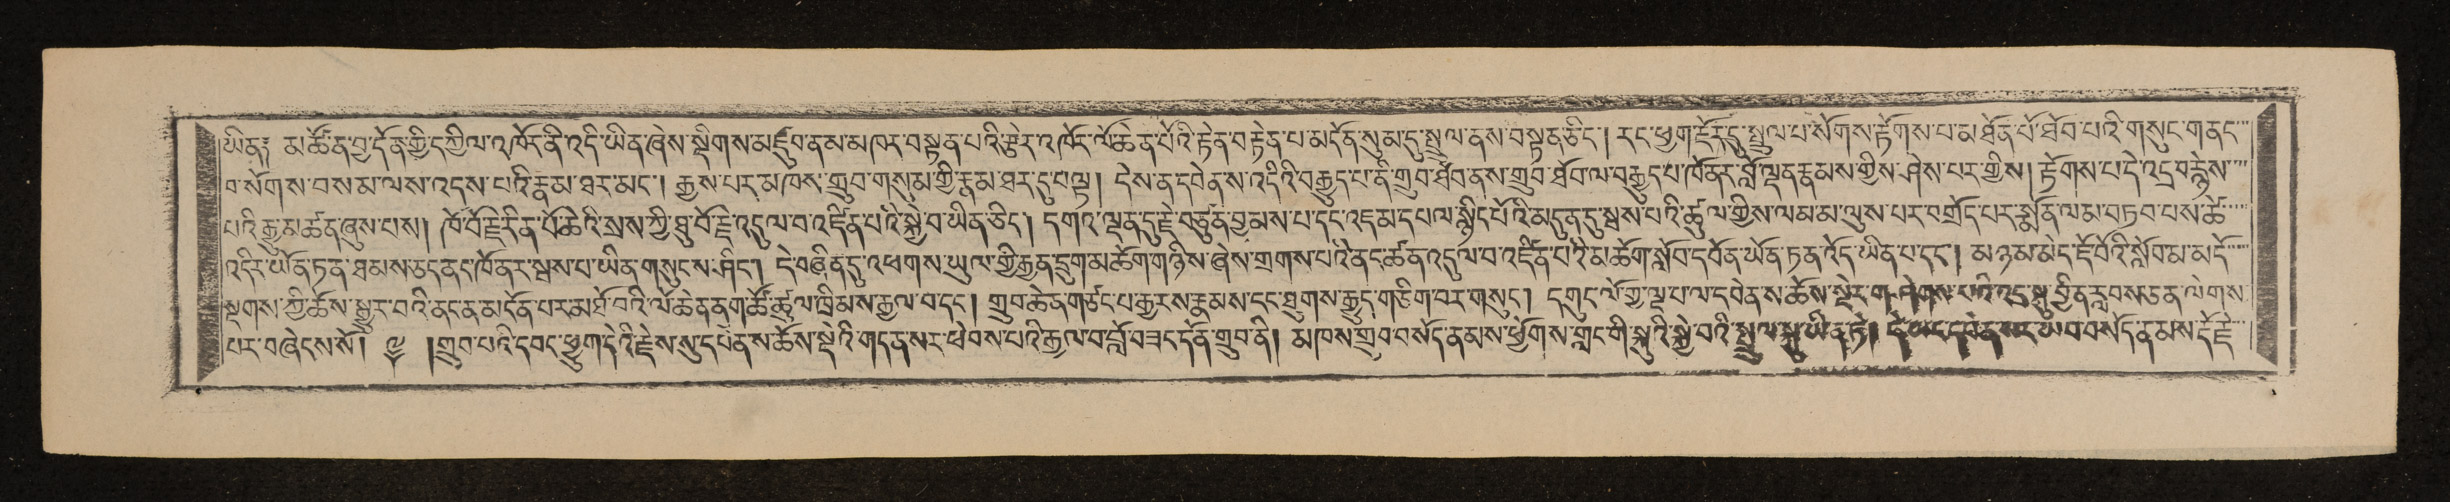ཡིན༑ མཚོན་བྱ་དོན་གྱི་དཀྱིལ་འཁོར་ནི་འདི་ཡིན་ཞེས་སྡིགས་མཛུབ་ནམ་མཁར་བསྟན་བའི་རྩེར་འཁོར་ལོ་ཆེན་པོའི་རྟེན་བརྟེན་པ་མངོན་སུམ་དུ་སྤྲུལ་ནས་བསྟན་ཅིང་། རང་ཕྱག་རྡོར་དུ་སྤྲུལ་པ་སོགས་རྟོགས་པ་མཐོན་པོ་ཐོབ་པའི་གསུང་གནང་
བ་སོགས་བསམ་ལས་འདས་པའི་རྣམ་ཐར་མང་། རྒྱས་པར་མཁས་གྲུབ་གསུམ་གྱི་རྣམ་ཐར་དུ་བལྟ། དེས་ན་དབེན་ས་འདིའི་བརྒྱུད་པ་ནི་གྲུབ་ཐོབ་ནས་གྲུབ་ཐོབ་ལ་བརྒྱུད་པ་ཁོ་ནར་བློ་ལྡན་རྣམས་ཀྱིས་ཤེས་པར་གྱིས། རྟོགས་པ་དེ་འདྲ་བརྙེས་
པའི་རྒྱུ་མཚན་ཞུས་པས། ཁོ་བོ་རྗེ་རིན་པོ་ཆེའི་སྲས་ཀྱི་ཐུ་བོ་རྗེ་འདུལ་བ་འཛིན་པའི་སྐྱེ་བ་ཡིན་ཅིང་། དགའ་ལྡན་དུ་རྗེ་བཙུན་བྱམས་པ་དང་འཇམ་དཔལ་སྙིང་པོའི་མདུན་དུ་སྦས་པའི་ཚུལ་གྱིས་ལམ་མ་ལུས་པར་བགྲོད་པར་སྨོན་ལམ་བཏབ་པས་ཚེ་
འདིར་ཡོན་ཏན་ཐམས་ཅད་ནང་ཁོ་ནར་སྦས་པ་ཡིན་གསུངས་ཤིང་། དེ་བཞིན་དུ་འཕགས་ཡུལ་གྱི་རྒྱན་དྲུག་མཆོག་གཉིས་ཞེས་གྲགས་པའི་ནང་ཚན་འདུལ་བ་འཛིན་པའི་མཆོག་སློབ་དཔོན་ཡོན་ཏན་འོད་ཡིན་པ་དང་། མཉམ་མེད་ཇོ་བོའི་སློབ་མ་མདོ་
སྔགས་ཀྱི་ཆོས་སྒྱུར་བའི་ནང་ན་མངོན་པར་མཐོ་བའི་ལོ་ཆེན་ནག་ཚོ་ཚུལ་ཁྲིམས་རྒྱལ་བ་དང་། གྲུབ་ཆེན་གཙང་བརྒྱ་རས་རྣམས་དང་ཐུགས་རྒྱུད་གཅིག་པར་གསུང་། དགུང་ལོ་གྱ་ལྔ་བ་ལ་དབེན་ས་ཆོས་སྡེར་གཤེགས་པའི་འདྲ་སྐུ་བྱིན་རླབས་ཅན་ལེགས་
བར་བཞེངས་སོ། ༈ །གྲུབ་པའི་དབང་ཕྱུག་དེའི་རྗེས་སུ་དབེན་ས་ཆོས་སྡེའི་གདན་སར་ཕེབས་པའི་རྒྱལ་བ་བློ་བཟང་དོན་གྲུབ་ནི། མཁས་གྲུབ་བསོད་ནམས་ཕྱོགས་གླང་གི་སྐུའི་སྐྱེ་བའི་སྤྲུལ་སྐུ་ཡིན་ཏེ། དེ་ཡང་དབེན་སར་ཡབ་བསོད་ནམས་རྡོ་རྗེ་